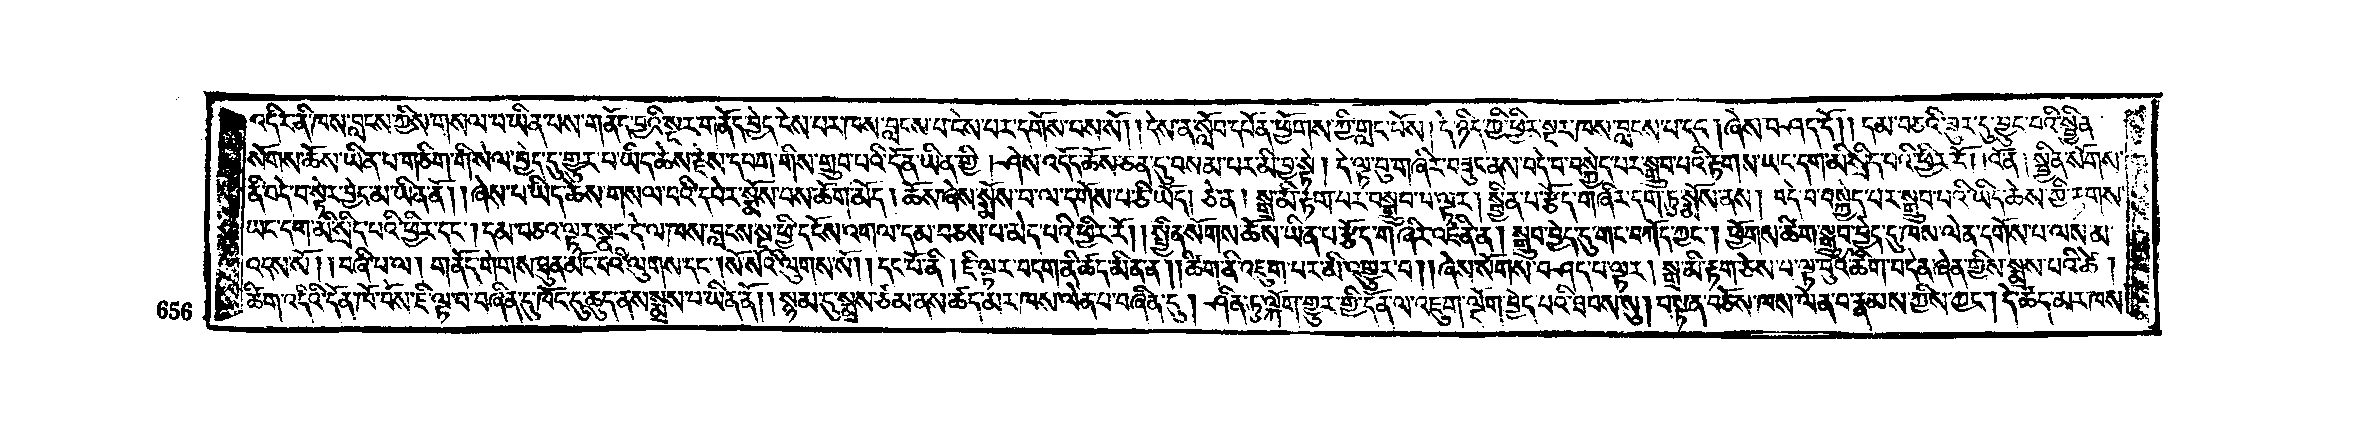འདིར་ནི་ཁས་བླངས་ཀྱིས་གསལ་བ་ཡིན་པས་གནོད་བྱའི་སྔར་གནོད་བྱེད་ངེས་པར་ཁས་བླངས་པ་ངེས་པར་དགོས་པས་སོ། །དེས་ན་སློབ་དཔོན་ཕྱོགས་ཀྱི་གླང་པོས། དེ་ཉིད་ཀྱི་ཕྱིར་སྔར་ཁས་བླངས་པ་དང་། ཞེས་བཤད་དོ། །དམ་བཅའི་ཟུར་དུ་བྱུང་བའི་སྦྱིན་
སོགས་ཆོས་ཡིན་པ་གཅིག་གི་སེལ་བྱེད་དུ་གྱུར་པ་ཡིད་ཆོས་རྗེས་དཔག་གིས་གྲུབ་པའི་དོན་ཡིན་གྱི་།ཤེས་འདོད་ཆོས་ཅན་དུ་བསམ་པར་མི་བྱ་སྟེ། དེ་ལྟ་བུ་གཞིར་བཟུང་ནས་བདེ་བ་བསྐྱེད་པར་སྒྲུབ་པའི་རྟགས་ཡང་དག་མི་སྲིད་པའི་ཕྱིར་རོ། །འོ་ན། སྦྱིན་སོགས་
ནི་བདེ་བ་སྟེར་བྱེད་མ་ཡིན་ནོ། །ཞེས་པ་ཡིད་ཆོས་གསལ་བའི་དཔེར་སྨོས་པས་ཆོག་མེད། ཆོས་ཞེས་སྨོས་པ་ལ་དགོས་པ་ཅི་ཡོད། ཅེ་ན། སྒྲ་མི་རྟག་པར་བསྒྲུབ་པ་ལྟར། སྦྱིན་པ་རྩོད་གཞིར་དག་ཏུ་སྨོས་ནས། བདེ་བ་བསྐྱེད་པར་སྒྲུབ་པའི་ཡིད་ཆོས་ཀྱི་རྟགས་
ཡང་དག་མི་སྲིད་པའི་ཕྱིར་དང་། དམ་བཅའ་ལྟར་སྣང་དེ་ལ་ཁས་བླངས་སྔ་ཕྱི་དངོས་འགལ་དམ་བཅས་པ་མེད་པའི་ཕྱིར་རོ། །སྦྱིན་སོགས་ཆོས་ཡིན་པ་རྩོད་གཞིར་འཛིན་ན། སྒྲུབ་བྱེད་དུ་གང་བཀོད་ཀྱང་། ཕྱོགས་ཆོས་སྒྲུབ་བྱེད་དུ་ཁས་ལེན་དགོས་པ་ལས་མ་
འདས་སོ། །བཞི་པ་ལ། གནོད་གེགས་ཐུན་མོང་བའི་ལུགས་དང་། སོ་སོའི་ལུགས་སོ། །དང་པོ་ནི། ཇི་ལྟར་བདག་ནི་ཚད་མིན་ན། །ཚིག་ནི་འཇུག་པར་མི་འགྱུར་བ། །ཞེས་སོགས་བཤད་པ་ལྟར། སྒྲ་མི་རྟག་ཅེས་པ་ལྟ་བུའི་ཚིག་བདེན་ཞེན་གྱིས་སྨྲས་པའི་ཚེ།
ཚིག་འདིའི་དོན་ཁོ་བོས་ཇི་ལྟ་བ་བཞིན་དུ་ཁོང་དུ་ཆུད་ནས་སྨྲས་པ་ཡིན་ནོ། །སྙམ་དུ་སྨྲས་ཙམ་ནས་ཚད་མར་ཁས་ལེན་པ་བཞིན་དུ། ཤིན་ཏུ་ལྐོག་གྱུར་གྱི་དོན་ལ་འཇུག་ལྡོག་བྱེད་པའི་ཐབས་སུ། བསྟན་བཅོས་ཁས་ལེན་པ་རྣམས་ཀྱིས་ཀྱང་། དེ་ཚད་མར་ཁས་